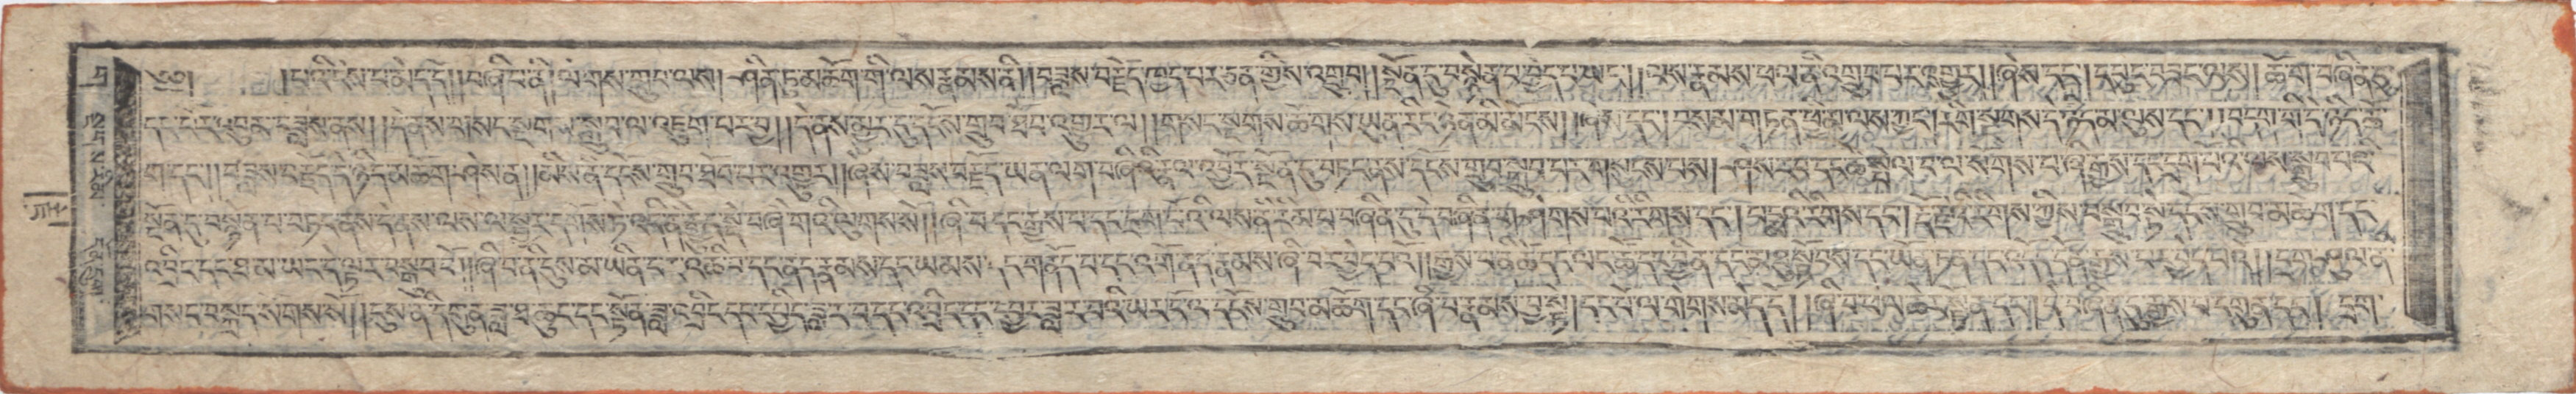༄༅། །པའི་ངེས་པ་མེད་དོ། །བཞི་པ་ནི། ལེགས་གྲུབ་ལས། ཤིན་ཏུ་མཆོག་གི་ལས་རྣམས་ནི། །བཟླས་བརྗོད་ཁྱད་པར་ཅན་གྱིས་འགྲུབ། །སྔོན་དུ་བསྙེན་པ་བྱེད་པ་ཡང་། །ལས་རྣམས་ཕལ་ནི་འགྲུབ་པར་འགྱུར། །ཞེས་དང་། དཔུང་བཟང་ལས། ཆོ་ག་བཞིན་དུ་
དང་པོར་འབུམ་བཟླས་ནས། །དེ་ནས་གསང་སྔགས་སྒྲུབ་ལ་འཇུག་པར་བྱ། །དེ་ནས་མྱུར་དུ་དངོས་གྲུབ་ཐོབ་འགྱུར་ལ། །གསང་སྔགས་ཆོ་གས་ཡུན་རིང་ཉེན་མི་མོངས། །ཞེས་དང་། བསམ་གཏན་ཕྱི་མ་ལས་ཀྱང་། རིག་སྔགས་དེ་ཉིད་མ་ལུས་དང་། །བདག་གི་དེ་ཉིད་ཆོ་
ག་དང་། །བཟླས་བརྗོད་དེ་ཉིད་མཆོག་ཤེས་ན། །མིས་ནི་དངོས་གྲུབ་ཐོབ་པར་འགྱུར། །ཞེས་བཟླས་བརྗོད་ཡན་ལག་བཞིའི་རྣལ་འབྱོར་སྔོན་དུ་བཏང་ནས་དངོས་གྲུབ་སྒྲུབ་པར་གསུངས་པས། ཤེས་རབ་དང་ཚེ་སྤེལ་བ་ལ་སོགས་པ་ཞི་རྒྱས་དང་དྲག་པོའི་ལས་སྒྲུབ་པའི་
སྔོན་དུ་བསྙེན་པ་བཏང་ནས་དེ་ནས་ལས་ལ་སྦྱར་དགོས་ཏེ་འདི་ནི་རྒྱུད་སྡེ་བཞི་གའི་ལུགས་སོ། །ཞི་བ་དང་རྒྱས་པ་དང་དྲག་པོའི་ལས་ནི་རིམ་པ་བཞིན་དུ་དེ་བཞིན་གཤེགས་པའི་རིགས་དང་། པདམའི་རིགས་དང་། རྡོ་རྗེའི་རིགས་ཀྱིས་བསྒྲུབ་སྟེ་དངོས་གྲུབ་མཆོག་དང་
འབྲིང་དང་ཐ་མ་ཡང་དེ་ལྟར་བསྒྲུབ་བོ། །ཞི་བ་ནི་དུས་མ་ཡིན་པར་འཆི་བ་དང་ནད་རྣམས་དང་ཡམས་དང་གནོད་པ་དང་འགོ་ནད་རྣམས་ཞི་བར་བྱེད་པའོ། །རྒྱས་པ་ནི་ཚེ་དང་ལང་ཚོ་དང་བྱིན་དང་མཐུ་སྟོབས་དང་ཡོན་ཏན་དང་འདོད་དོན་རྒྱས་པར་བྱེད་པའོ། །དྲག་ཤུལ་ནི་
གསད་བསྐྲད་སོགས་སོ། །དུས་ནི་དགུན་ཟླ་ཐ་ཆུང་དང་སྟོན་ཟླ་འབྲིང་དང་དཔྱིད་ཟླ་ར་བ་དང་འབྲིང་དང་དབྱར་ཟླ་ར་བའི་ཡར་ངོ་ལ་དངོས་གྲུབ་མཆོག་དང་ཞི་བ་རྣམས་བྱ་སྟེ། དང་པོ་ལ་གེགས་མེད་དོ། །ཞི་བ་ཕལ་ཆེར་སྟོན་དང་། དེ་བཞིན་དུ་རྒྱས་པ་དགུན་དང་། དྲག་